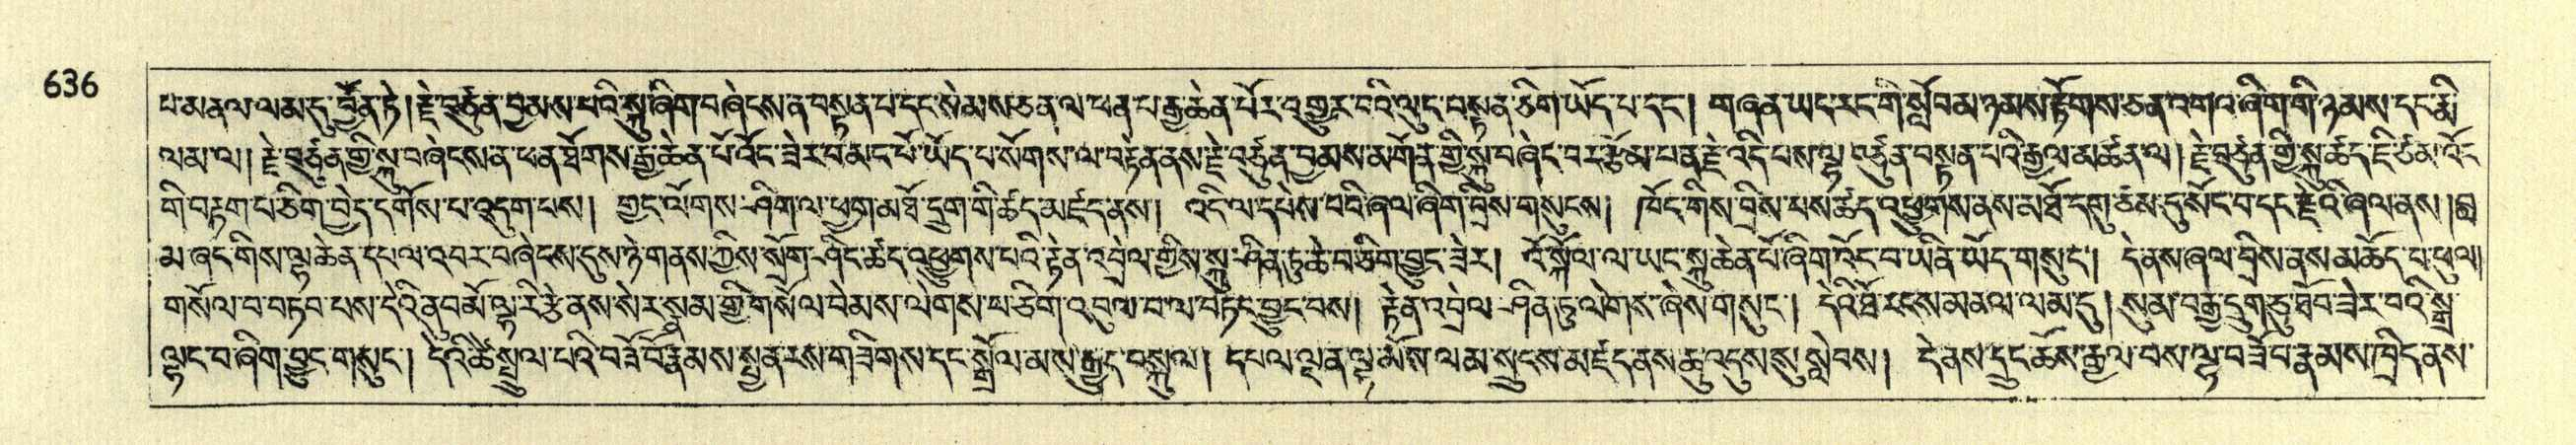པ་མནལ་ལམ་དུ་བྱོན་ཏེ། རྗེ་བཙུན་བྱམས་པའི་སྐུ་ཞིག་བཞེངས་ན་བསྟན་པ་དང་སེམས་ཅན་ལ་ཕན་པ་རྒྱ་ཆེན་པོར་འགྱུར་བའི་ལུང་བསྟན་ཅིག་ཡོད་པ་དང་། གཞན་ཡང་རང་གི་སློབ་མ་ཉམས་རྟོགས་ཅན་འགའ་ཞིག་གི་ཉམས་དང་རྨི་
ལམ་ལ། རྗེ་བཙུན་གྱི་སྐུ་བཞེངས་ན་ཕན་ཐོགས་རྒྱ་ཆེན་པོ་འོད་ཟེར་བ་མང་པོ་ཡོད་པ་སོགས་ལ་བརྟེན་ནས་རྗེ་བཙུན་བྱམས་མགོན་གྱི་སྐུ་བཞེང་བར་རྩོམ་པན་རྗེ་འདི་པས་ལྷ་བཙུན་བསྟན་པའི་རྒྱལ་མཚན་ལ། རྗེ་བཙུན་གྱི་སྐུ་ཚད་ཇི་ཙམ་འོང་
གི་བརྟག་པ་ཅིག་བྱེད་དགོས་པ་འདུག་པས། གྱང་ལོགས་ཤིག་ལ་ཕྱག་མཐོ་དྲུག་གི་ཚད་མཛད་ནས། འདི་ལ་དཔེས་པའི་ཞལ་ཞིག་བྲིས་གསུངས། ཁོང་གིས་བྲིས་པས་ཚད་འཕྱུགས་ནས་མཐོ་དགུ་ཙམ་དུ་སོང་བ་དང་རྗེའི་ཞལ་ནས། བླ་
མ་ཞང་གིས་ལྷ་ཆེན་དཔལ་འབར་བཞེངས་དུས་ཉེ་གནས་ཀྱིས་སྲོག་ཤིང་ཚད་འཕྱུགས་པའི་རྟེན་འབྲེལ་གྱིས་སྐུ་ཤིན་ཏུ་ཆེ་བ་ཅིག་བྱུང་ཟེར། འོ་སྐོལ་ལ་ཡང་སྐུ་ཆེན་པོ་ཞིག་འོང་བ་ཡིན་ཡོད་གསུང་། དེ་ནས་ཞལ་བྲིས་ནས་མཆོད་པ་ཕུལ།
གསོལ་བ་བཏབ་པས་དེའི་ནུབ་མོ་ལྷ་རི་རྩེ་ནས་སེར་སྣམ་གྱི་གསོལ་བེམས་ལེགས་པ་ཅིག་འབུལ་བ་ལ་བཏང་བྱུང་བས། རྟེན་འབྲེལ་ཤིན་ཏུ་ལེགས་ཞེས་གསུང་། དེའི་ཐོ་རངས་མནལ་ལམ་དུ། སུམ་བརྒྱ་དྲུག་ཅུ་ཐོབ་ཟེར་བའི་སྒྲ་
ལྷང་བ་ཞིག་བྱུང་གསུང་། དེའི་ཚེ་སྤྲུལ་པའི་བཟོ་བོ་རྣམས་སྤྱན་རས་གཟིགས་དང་སྒྲོལ་མས་རྒྱུད་བསྐུལ། དཔལ་ལྡན་ལྷ་མོས་ལམ་སྲུངས་མཛད་ནས་ཆུ་འདུས་སུ་སླེབས། དེ་ནས་དྲུང་ཆོས་རྒྱལ་བས་ལྷ་བཟོ་པ་རྣམས་ཁྲིད་ནས་